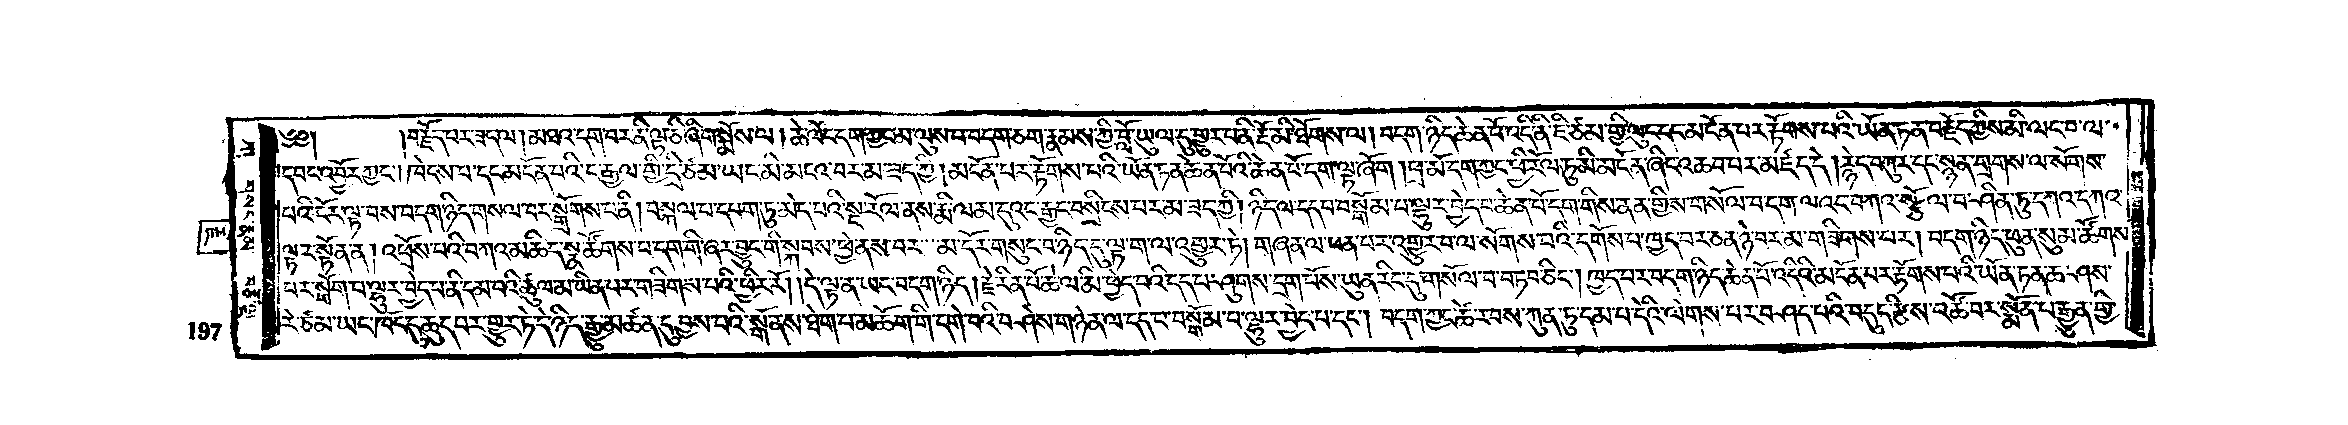༄༅། །བརྗོད་པར་ཟད་ལ། མཐའ་དག་བར་ནི་ལྟ་ཅི་ཞིག་སྨོས་ལ། ཆེ་ལོང་དག་ཀྱང་མ་ལུས་པ་བདག་ཅག་རྣམས་ཀྱི་བློ་ཡུལ་དུ་གྱུར་པ་ནི་རྡོ་མི་ཐོགས་ལ། བདག་ཉིད་ཆེན་པོ་འདི་ནི་ཇི་ཙམ་གྱི་ལུང་དང་མངོན་པར་རྟོགས་པའི་ཡོན་ཏན་བརྗོད་ཀྱིས་མི་ལང་བ་ལ་
དབང་འབྱོར་ཀྱང་། ཁེངས་པ་དང་མངོན་པའི་ང་རྒྱལ་གྱི་དྲི་ཙམ་ཡང་མི་མངའ་བར་མ་ཟད་ཀྱི། མངོན་པར་རྟོགས་པའི་ཡོན་ཏན་ཆེན་པོའི་ཆེན་པོ་དག་ལྟ་ཞོག །ཕྲ་མོ་དག་ཀྱང་ཕྱི་རོལ་ཏུ་མི་མངོན་ཞིང་འཆབ་པར་མཛད་དེ། རྙེད་བཀུར་དང་སྙན་གྲགས་ལ་སོགས་
པའི་ངོར་ལྟ་བས་བདག་ཉིད་གསལ་བར་སྒྲོགས་པ་ནི། བསྐལ་པ་དཔག་ཏུ་མེད་པའི་སྔ་རོལ་ནས་རྨི་ལམ་དུའང་རྒྱང་བསྲིངས་པར་མ་ཟད་ཀྱི། ཉིད་ལ་དད་པ་བསྒོམ་པ་ལྷུར་བྱེད་པ་ཆེན་པོ་དག་གིས་ནན་གྱིས་གསོལ་བ་དག་ལའང་བཀའ་སྩོལ་བ་ཤིན་ཏུ་དཀའ་དཀའ་
ལྟར་སྟོན་ན། འཕྲོས་པའི་བཀའ་མཆིད་སྣ་ཚོགས་པ་དག་གི་ཞར་བྱུང་གི་སྐབས་ཕྱེ་ནས་བར་མ་དོར་གསུང་བ་ཉིད་དུ་ལྟ་ག་ལ་འགྱུར་ཏེ། གཞན་ལ་ཕན་པར་འགྱུར་བ་ལ་སོགས་པའི་དགོས་པ་ཁྱད་པར་ཅན་ཉེ་བར་མ་གཟིགས་པར། བདག་ཉིད་ཕུན་སུམ་ཚོགས་
པར་སྒོག་པ་ལྷུར་བྱེད་པ་ནི་དམ་པའི་ཚུལ་མ་ཡིན་པར་གཟིགས་པའི་ཕྱིར་རོ། །དེ་ལྟ་ན་ཡང་བདག་ཉིད། རྗེ་རིན་པོ་ཆེ་ལ་མི་ཕྱེད་པའི་དད་པ་ཤུགས་དྲག་པོས་ཡུན་རིང་དུ་གསོལ་བ་བཏབ་ཅིང་། ཁྱད་པར་བདག་ཉིད་ཆེན་པོ་འདིའི་མངོན་པར་རྟོགས་པའི་ཡོན་ཏན་ཆ་ཤས་
རེ་ཙམ་ཡང་ཁོང་དུ་ཆུད་བར་གྱུར་ཏེ་དེ་ཉིད་རྒྱུ་མཚན་དུ་བྱས་པའི་སྒོ་ནས་ཐེག་པ་མཆོག་གི་དགེ་བའི་བཤེས་གཉེན་ལ་དད་པ་བསྒོམ་པ་ལྷུར་བྱེད་པ་དང་། བདག་ཀྱང་ཚེ་རབས་ཀུན་ཏུ་དམ་པ་དེའི་ལེགས་པར་བཤད་པའི་བདུད་རྩིས་འཚོ་བར་སྨོན་པ་རྒྱུན་གྱི་